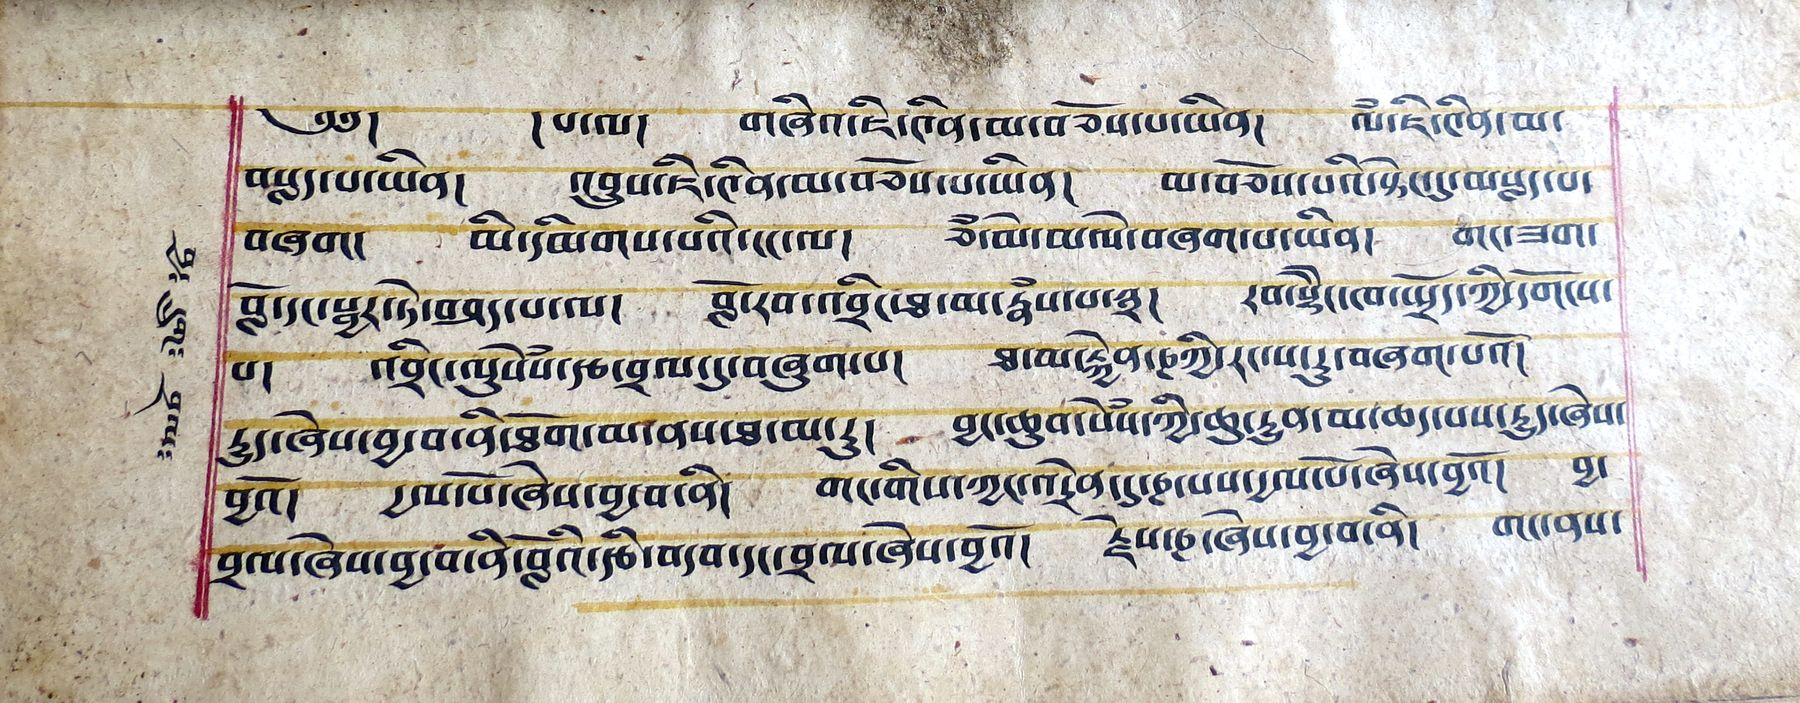པ་ལ། གཞི་ཅི་བཞིན་མ་བཅོས་པ་ཡིན། ལམ་ཅི་བཞིན་མ་
བསླད་པ་ཡིན། འབྲས་བུ་ཅི་བཞིན་མ་བཅོས་པ་ཡིན། མ་བཅོས་པའི་སྟེང་དུ་མ་བསླད་པར་
བཞག མི་དམིགས་པའི་ངང་ལ་ཅོན་ནེ་ས་ལེར་བཞག་པ་ཡིན། གང་ཟག་
བློ་དང་སྦྱར་ཏེ་བཤད་པ་ལ། བློ་རབ་འབྲིང་ཐ་མ་གསུམ། རབ་སེང་གེ་ཁ་སྤྲོད་ཀྱི་དགོངས་
པ། འབྲིང་ལུས་སེམས་རྩ་བྲལ་དུ་བཞག་པ། ཐ་མ་རྐྱེན་མེད་ཀྱི་ངང་དུ་རང་ས་རུ་བཞག་པའོ། །
རྒྱུད་ཞེས་བྱ་བ་ནི། ཐོག་མ་ནས་ཐ་མ་རུ་བྱང་ཆུབ་ཀྱི་སེམས་སུ་ཆུ་རྒྱུན་མ་ཆད་པས་རྒྱུད་ཅེས་
བྱའོ། །རྒྱལ་པོ་ཞེས་བྱ་བ་ནི། གང་གིས་ཀྱང་འགྲན་དུ་མེད་པས་རྒྱལ་པོ་ཞེས་བྱའོ། །བྱ་
བྲལ་ཞེས་བྱ་བ་ནི། བློའི་རྩིས་གདབ་དང་བྲལ་བས་བྱ་བྲལ་ཞེས་བྱའོ། །རྗེས་མེད་ཅེས་བྱ་བ་ནི། གང་ནས་